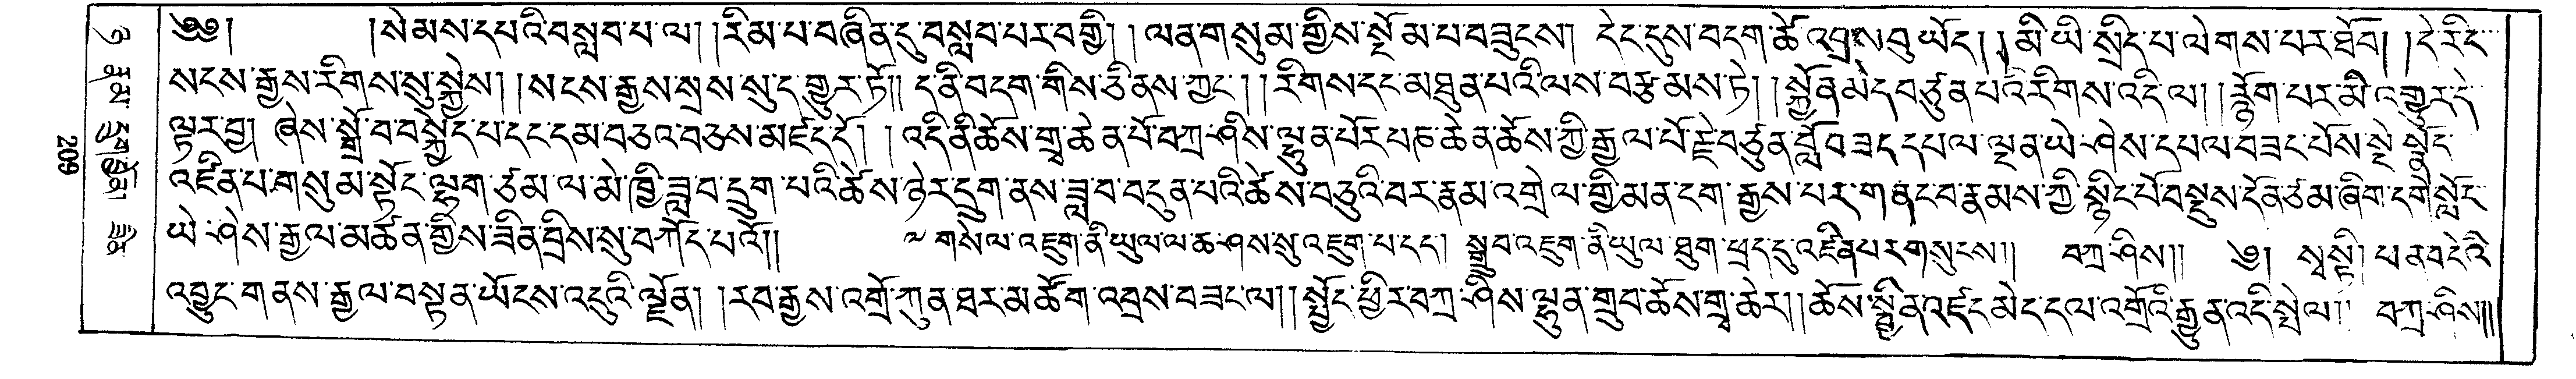༄༅། །སེམས་དཔའི་བསླབ་པ་ལ། །རིམ་པ་བཞིན་དུ་བསླབ་པར་བགྱི། །ལན་གསུམ་གྱིས་སྡོམ་པ་བཟུངས། དེང་དུས་བདག་ཚེ་འབྲས་བུ་ཡོད། །མི་ཡི་སྲིད་པ་ལེགས་པར་ཐོབ། །དེ་རིང་
སངས་རྒྱས་རིགས་སུ་སྐྱེས། །སངས་རྒྱས་སྲས་སུ་ང་གྱུར་ཏོ། །ད་ནི་བདག་གིས་ཅི་ནས་ཀྱང་། །རིགས་དང་མཐུན་པའི་ལས་བརྩམས་ཏེ། །སྐྱོན་མེད་བཙུན་པའི་རིགས་འདི་ལ། །རྙོག་པར་མི་འགྱུར་དེ་
ལྟར་བྱ། ཞེས་སྤྲོ་བ་བསྐྱེད་བ་དང་དམ་བཅའ་བཅས་མཛད་དོ། །འདི་ནི་ཆོས་གྲྭ་ཆེན་པོ་བཀྲ་ཤིས་ལྷུན་པོར་བཎ་ཆེན་ཆོས་ཀྱི་རྒྱལ་པོ་རྗེ་བཙུན་བློ་བཟང་དཔལ་ལྡན་ཡེ་ཤེས་དཔལ་བཟང་པོས་སྡེ་སྣོད་
འཛིན་པ་གསུམ་སྟོང་ལྷག་ཙམ་ལ་མེ་ཁྱི་ཟླ་བ་དྲུག་པའི་ཚེས་ཉེར་དྲུག་ནས་ཟླ་བ་བདུན་བའི་ཚེས་བཅུའི་བར་རྣམ་འགྲེལ་གྱི་མན་ངག་རྒྱས་པར་གནང་བ་རྣམས་ཀྱི་སྙིང་པོ་བསྡུས་དོན་ཙམ་ཞིག་དགེ་སློང་
ཡེ་ཤེས་རྒྱལ་མཚན་གྱིས་ཟིན་བྲིས་སུ་བཀོད་པའོ།། ༧གསེལ་འཇུག་ནི་ཡུལ་ལ་ཆ་ཤས་སུ་འཇུག་པ་དང་། སྒྲུབ་འཇུག་ནི་ཡུལ་ཐུག་ཕྲད་དུ་འཛིན་བར་གསུངས།། བཀྲ་ཤིས།།  ༄༅། སྭསྟི། ཕན་བདེའི་
འབྱུང་གནས་རྒྱལ་བསྟན་ཡོངས་འདུའི་ལྗོན། །རབ་རྒྱས་འགྲོ་ཀུན་ཐར་མཆོག་འབྲས་བཟང་ལ། །སྤྱོད་ཕྱིར་བཀྲ་ཤིས་ལྷུན་གྲུབ་ཆོས་གྲྭ་ཆེར། །ཆོས་སྦྱིན་འཛད་མེད་དལ་འགྲོའི་རྒྱུན་འདི་སྤེལ།། བཀྲ་ཤིས།